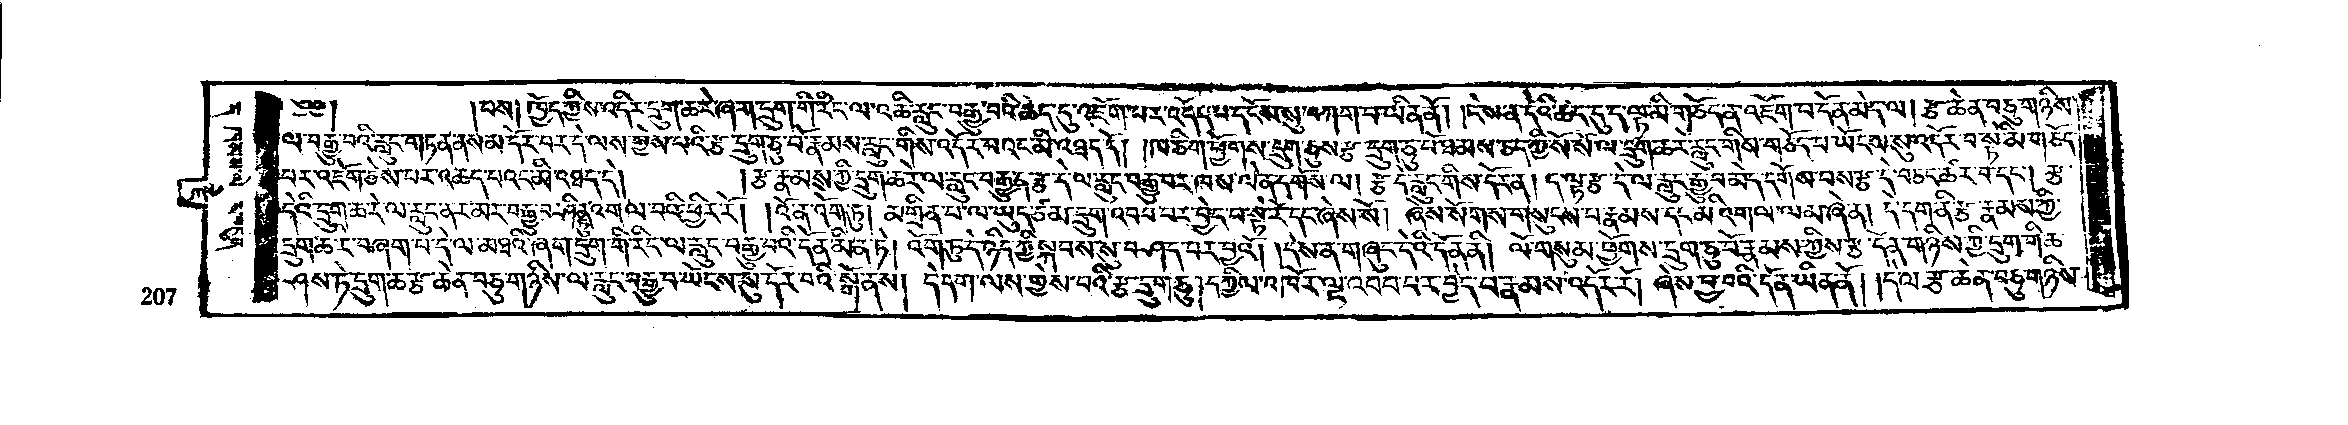༄༅། །བས། ཁྱོད་ཀྱིས་འདིར་དྲུག་ཆ་རེ་ཞག་དྲུག་གི་རིང་ལ་འཆི་རླུང་བརྒྱུ་བའི་ཆེད་དུ་འཇོག་པར་འདོད་པ་དངོས་སུ་བཀག་པ་ཡིན་ནོ། །ངེས་ན་དེའི་ཚད་དུ་ད་ལྟ་མི་གཅོད་ན་འཇོག་པ་དོན་མེད་ལ། རྩ་ཆེན་བཅུ་གཉིས་
ལ་བརྒྱུ་བའི་རླུང་གཏན་ནས་མ་དོར་བར་དེ་ལས་གྱེས་པའི་རྩ་དྲུག་ཅུ་པོ་རྣམས་རླུང་གིས་འདོར་བའང་མི་འཐད་དོ། །ཁ་ཅིག་ཕྱོགས་དྲུག་ཅུས་རྩ་དྲུག་ཅུ་པོ་ཐམས་ཅད་ཀྱི་སོ་སོ་ལ་དྲུག་ཆ་རེ་རླུང་གིས་གཅོད་པ་ཡོངས་སུ་འདོར་བ་སྟེ་མི་གཅོད་
པར་འཇོག་ཅེས་པར་འཆད་པའང་མི་འཐད་དེ། །རྩ་རྣམས་ཀྱི་དྲུག་ཆ་རེ་ལ་རླུང་བརྒྱུ་ན་རྩ་དེ་ལ་རླུང་བརྒྱུ་བར་ཁས་ལེན་དགོས་ལ། རྩ་དེ་རླུང་གིས་དོར་ན། ད་ལྟ་རྩ་དེ་ལ་རླུང་རྒྱུ་བ་མེད་དགོས་པས་རྩ་དེ་བཅད་ཚར་བ་དང་། རྩ་
དེའི་དྲུག་ཆ་རེ་ལ་རླུང་ནར་མར་བརྒྱུ་བ་ཤིན་ཏུ་འགལ་བའི་ཕྱིར་རོ། །འོ་ན་འོག་ཏུ། མགྲིན་པ་ལ་ཡུད་ཙམ་དྲུག་འབབ་པར་བྱེད་པ་སྟེ་རོ་དང་ཞེས་སོ། ཞེས་སོགས་གསུངས་པ་རྣམས་དང་མི་འགལ་ལམ་ཞེ་ན། དེ་དག་ནི་རྩ་རྣམས་ཀྱི་
དྲུག་ཆ་རེ་བཞག་པ་དེ་ལ་མཐའི་ཞག་དྲུག་གི་རིང་ལ་རླུང་བརྒྱུ་བའི་དོན་མིན་ཏེ། འོག་ཏུ་དེ་ཉིད་ཀྱི་སྐབས་སུ་བཤད་པར་བྱའོ། །དེས་ན་གཞུང་དེའི་དོན་ནི། ལོ་གསུམ་ཕྱོགས་དྲུག་ཅུ་པོ་རྣམས་ཀྱིས་རྩ་དོན་གཉིས་ཀྱི་དྲུག་གི་ཆ་
ཤས་ཏེ་དྲུག་ཆ་རྩ་ཆེན་བཅུ་གཉིས་ལ་རླུང་བརྒྱུ་བ་ཡོངས་སུ་དོར་བའི་སྒོ་ནས། དེ་དག་ལས་གྱེས་པའི་རྩ་དྲུག་ཅུ། དཀྱིལ་འཁོར་ལྔ་འབབ་པར་བྱེད་པ་རྣམས་འདོར་རོ། ཞེས་བྱ་བའི་དོན་ཡིན་ནོ། །དེ་ལ་རྩ་ཆེན་བཅུ་གཉིས་